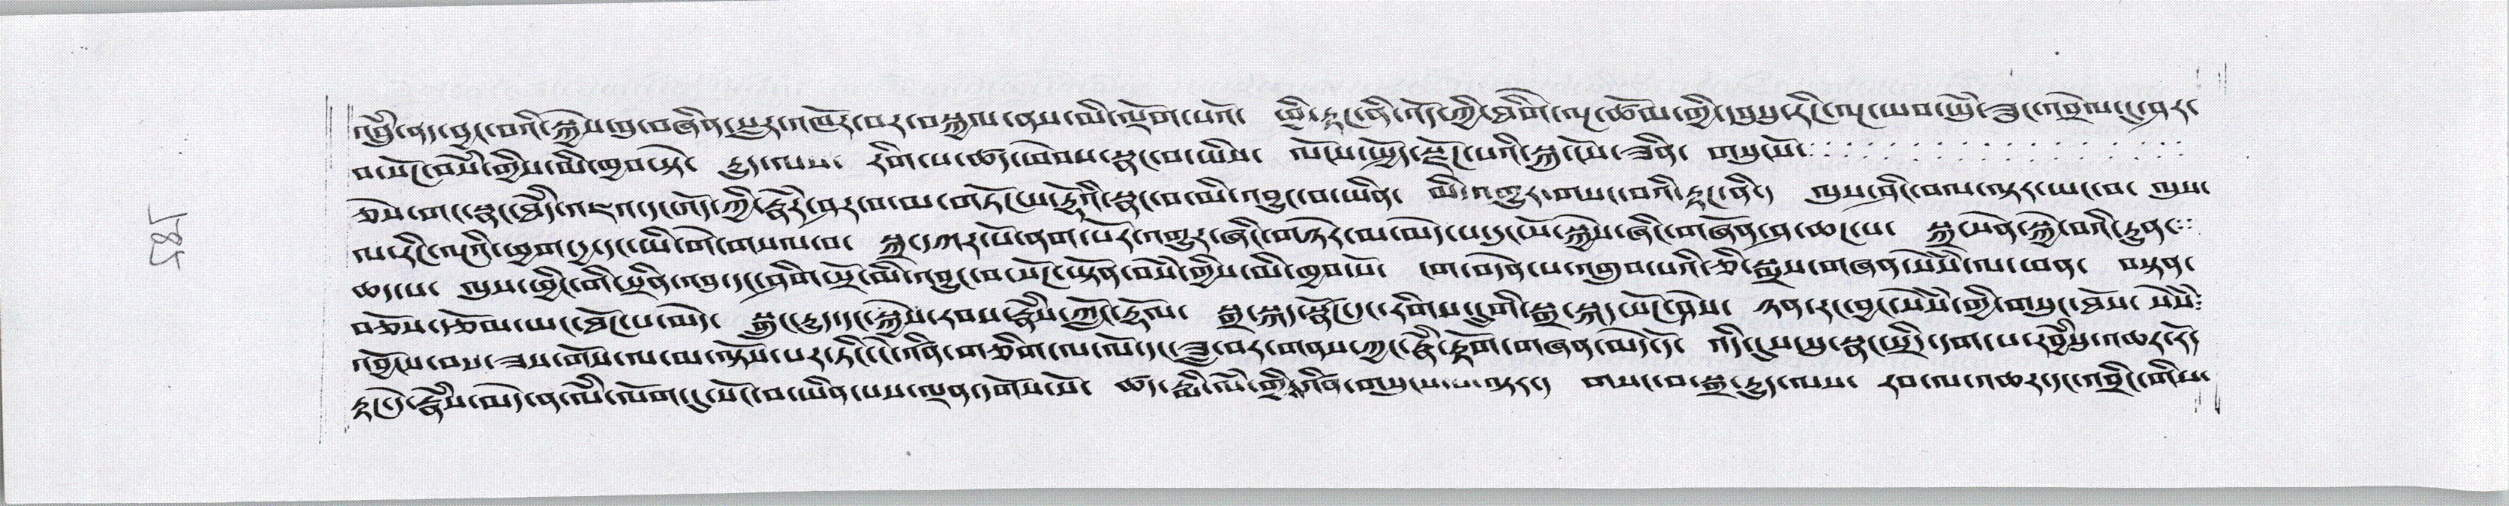འབྲུམ་ནད་བྱང་བའི་སྐྱེས་བུ་བཞིན་སླར་འཁོར་བར་སྐྱལ་ནས་མི་ལྡོག་པའོ། །ཕྱི་རྟགས་ནི་འོད་ཀྱི་ཐིག་ལེ་ལྔ་ཚོམ་གྱི་དབུས་སུ་རིགས་ལྔ་ཡབ་ཡུམ་ཟུང་འབྲེལ་དུ་ཤར་
བ་སོགས་བསམ་གྱིས་མི་ཁྱབ་སྟེ། རྒྱུད་ལས། རིག་པ་ཚད་ཕེབས་སྣང་བ་ཡིས། ལོངས་སྤྱོད་རྫོགས་པའི་སྐུ་ངོས་ཟིན། གསུངས་སོ། 
ཅེས་གང་སྣང་ཐམས་ཅད་འཇའ་དང་འོད་ཀྱི་རྣམ་པར་ཤར་བ་མ་གཏོགས་ས་རྡོའི་སྣང་བ་མི་འབྱུང་བ་ཡིན། མི་འགྱུར་གསང་བའི་རྟགས་ནི། ལུས་ཤིང་བལ་ལྟར་ཡང་བ། ལུས་
ལ་རིགས་ལྔའི་ཕྱག་རྒྱ་དང་ཡི་གེ་གསལ་བ། སྐྲ་དཀར་པོ་ནག་པོར་འགྱུར་ཞིང་གཉེར་མ་མེད་པ་དུང་སོ་སྐྱེས་ཤིང་གཞོན་ཤ་ཆགས་པ། སྐྲ་སེན་སྐྱེ་བའི་རྒྱུན་
ཆད་པ། ལུས་ཕྱི་ནང་གི་སྲིན་འབུ་དང་ཤིག་སྲོ་མི་འབྱུང་བ་སོགས་ཡོན་ཏན་བསམ་གྱིས་མི་ཁྱབ་བོ། ངག་བདེན་པ་འགྲུབ་པའི་ཅི་སྨྲས་གཞན་སེམས་ལ་ཕན། བསྟན་
བཅོས་རྩོམ་ཡང་ཐོགས་པ་མེད། སྒྲུང་རྒྱུད་དང་སྐྱེས་རབས་རྣམས་ཀློང་རྡོལ། སྒྲ་སྐད་སྣ་ཚོགས་དང་རིགས་དྲུག་གི་སྒྲ་སྐད་སོགས་ཤེས། ཉན་རང་བྱང་སེམས་ཀྱི་གསུང་ཐོས། སེམས་
འབྱོངས་བས་ཟས་གོས་ལ་མ་ལྟོས་པར་ཏིང་ངེ་འཛིན་གཅིག་ལ་ལོ་དང་ཟླ་བར་གནས་ཀྱང་རྣམ་རྟོག་གཞན་མེད་དོ། འདི་དུས་སུ་སྣང་སྲིད་དག་པ་རབ་འབྱམས་སུ་འཆར་རོ། 
རྟགས་དེ་རྣམས་མེད་ན་ལམ་ལོག་ཏུ་སོང་བ་ཡིན་པས་ལྡན་དགོས་སོ། ཚད་རྨི་ལམ་གྱིས་འཛིན་གསུངས་པ་ལྟར། གསང་བ་སྒྲ་རྒྱུད་ལས། རབ་ལ་འཆར་དང་འབྲིང་གིས་